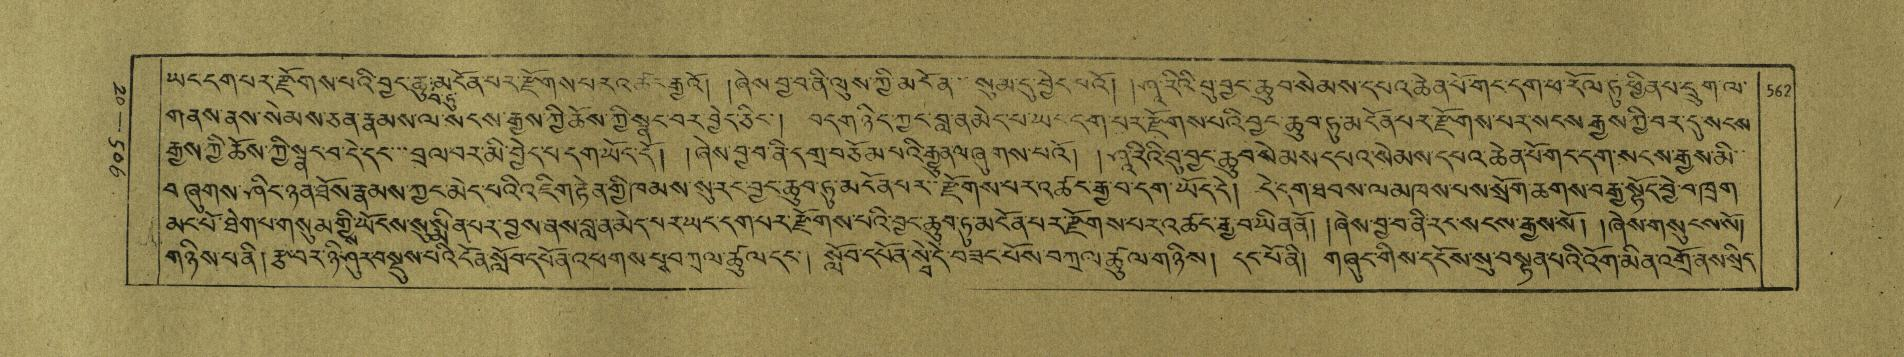ཡང་དག་པར་རྫོགས་པའི་བྱང་ཆུབ་ཏུ་མངོན་པར་རྫོགས་པར་འཚང་རྒྱའོ། །ཞེས་བྱ་བ་ནི་ལུས་ཀྱི་མངོན་སུམ་དུ་བྱེད་པའོ། །ཤཱ་རིའི་བུ་བྱང་ཆུབ་སེམས་དཔའ་ཆེན་པོ་གང་དག་ཕ་རོལ་ཏུ་ཕྱིན་པ་དྲུག་ལ་
གནས་ནས་སེམས་ཅན་རྣམས་ལ་སངས་རྒྱས་ཀྱི་ཆོས་ཀྱི་སྣང་བར་བྱེད་ཅིང་། བདག་ཉིད་ཀྱང་བླ་ན་མེད་པ་ཡང་དག་པར་རྫོགས་པའི་བྱང་ཆུབ་ཏུ་མངོན་པར་རྫོགས་པར་སངས་རྒྱས་ཀྱི་བར་དུ་སངས་
རྒྱས་ཀྱི་ཆོས་ཀྱི་སྣང་བ་དེ་དང་བྲལ་བར་མི་བྱེད་པ་དག་ཡོད་དོ། །ཞེས་བྱ་བ་ནི་དགྲ་བཅོམ་པའི་རྒྱུན་ལ་ཞུགས་པའོ། །ཤཱ་རིའི་བུ་བྱང་ཆུབ་སེམས་དཔའ་སེམས་དཔའ་ཆེན་པོ་གང་དག་སངས་རྒྱས་མི་
བཞུགས་ཤིང་ཉན་ཐོས་རྣམས་ཀྱང་མེད་པའི་འཇིག་རྟེན་གྱི་ཁམས་སུ་རང་བྱང་ཆུབ་ཏུ་མངོན་པར་རྫོགས་པར་འཚང་རྒྱ་བ་དག་ཡོད་དེ། དེ་དག་ཐབས་ལ་མཁས་པས་སྲོག་ཆགས་བརྒྱ་སྟོང་བྱེ་བ་ཁྲག་
མང་པོ་ཐེག་པ་གསུམ་གྱིས་ཡོངས་སུ་སྨིན་པར་བྱས་ནས་བླ་ན་མེད་པར་ཡང་དག་པར་རྫོགས་པའི་བྱང་ཆུབ་ཏུ་མངོན་པར་རྫོགས་པར་འཚང་རྒྱ་བ་ཡིན་ནོ། །ཞེས་བྱ་བ་ནི་རང་སངས་རྒྱས་སོ། །ཞེས་གསུངས་སོ།
གཉིས་པ་ནི། རྩ་བར་ཉི་ཤུར་བསྡུས་པའི་དོན་སློབ་དཔོན་འཕགས་པས་བཀྲལ་ཚུལ་དང་། སློབ་དཔོན་སེབ་དེ་བཟང་པོས་བཀྲལ་ཚུལ་གཉིས། དང་པོ་ནི། གཞུང་གིས་དངོས་སུ་བསྟན་པའི་འོག་མིན་འགྲོ་ནས་སྲིད་